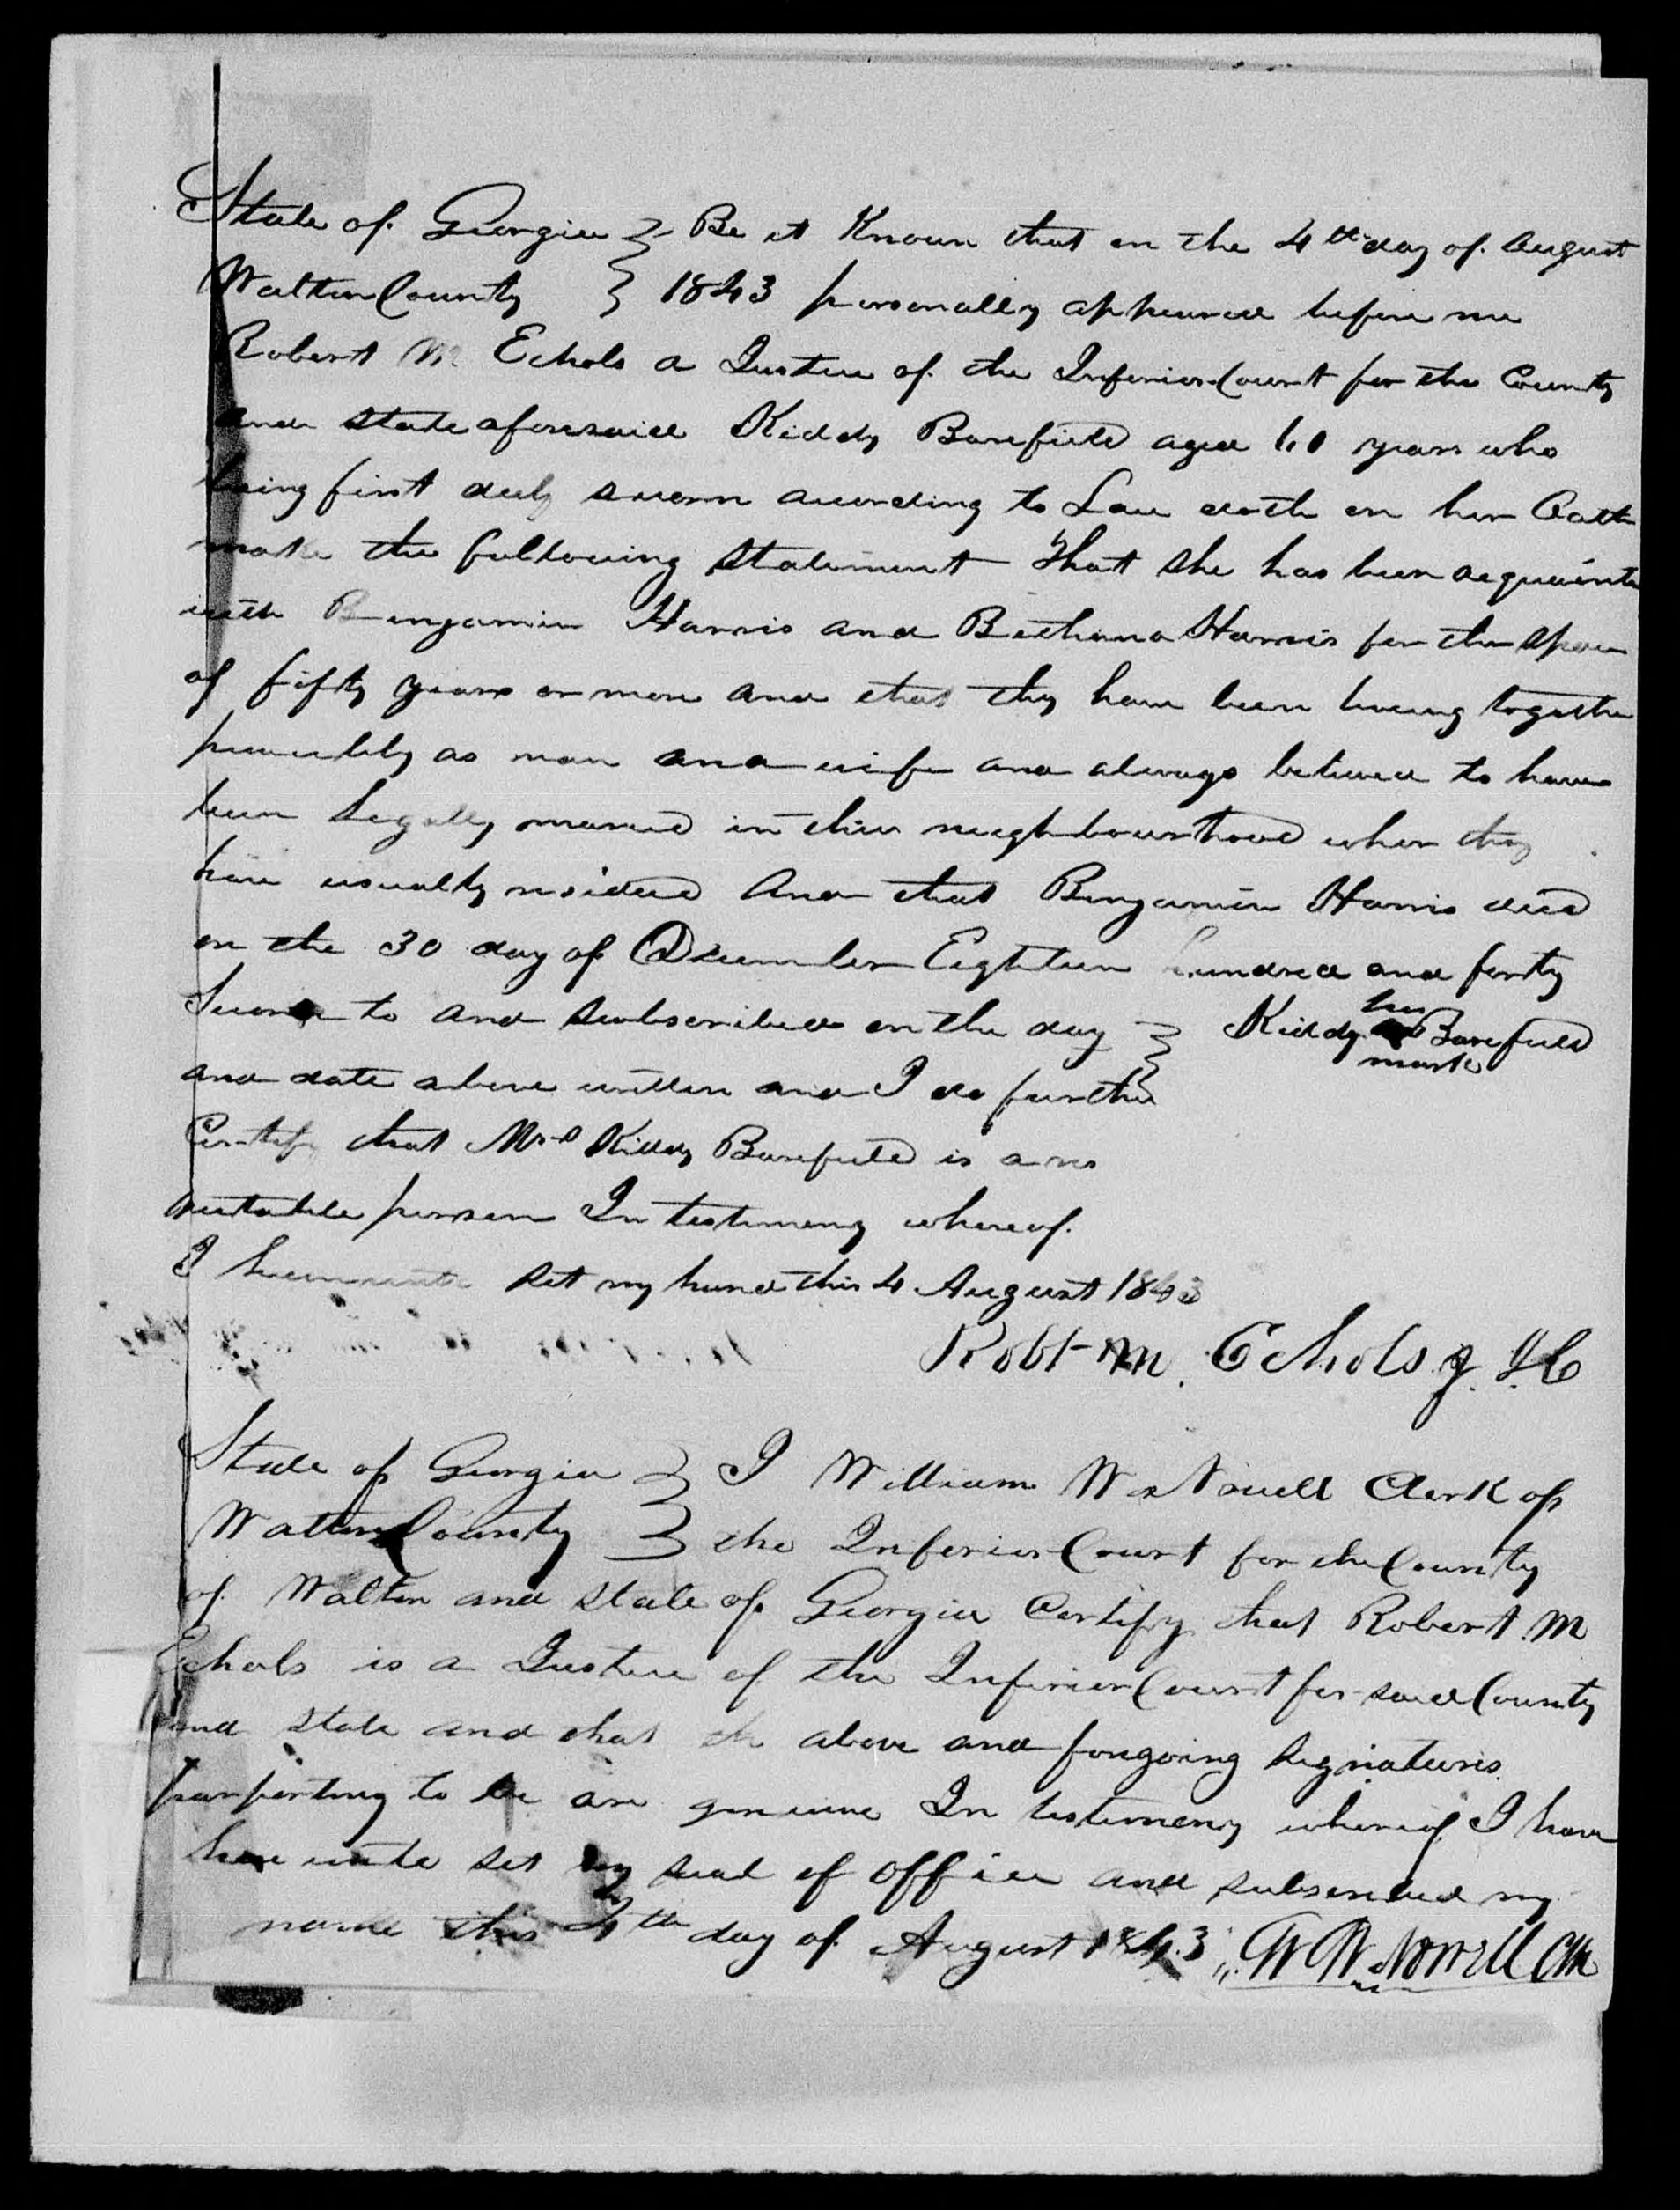State of Georgia Walton County ⎬ Be it known that on the 4th day of August 1843 personally appeared before me Robert M Echols a Justice of the Inferior Court for the County and State aforesaid Kiddy Barfield aged 60 years who being first duly sworn according to Law doth on her Oath make the following statement that she has been acquainted with Benjamin Harris and Bethana Harris for the space of fifty years or more and that they have been living together presumably as man and wife and always believed to have been legally married in the neighbourhood when they have usually resided and that Benjamin Harris died on the 30 day of December Eighteen hundred and forty 
Kiddy her X mark Barfield

Sworn to and subscribed on the day and date above written and I do further Certify that Mrs Kiddy Barfield is a suitable person In testimony whereof I hereunto set my hand this 4 August 1843 
Robt Echols &C. 

State of Georgia Walton County SS⎬ I William W Nowell Clerk of the Inferior Court for the County of Walton and State of Georgia Certify that Robert M Echols is a Justice of the Inferior Court for said County and State and that the above and foregoing signatures putporting to be are genuine 

In testimony whereof I have hereto set my seal of office and subscribed my will the 8th day of August 1843. W W Nowell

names: Benjamin Harris, Robert M Echols, Bethana Harris, Kiddy Barefield, Kiddy Barefield, William W Nowell, Robt M Echols, Kiddy Barefield, W W Nowell, Benjamin Harris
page: 20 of 62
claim: survivor's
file: S. 38816, Benjamin Harris, Mass.